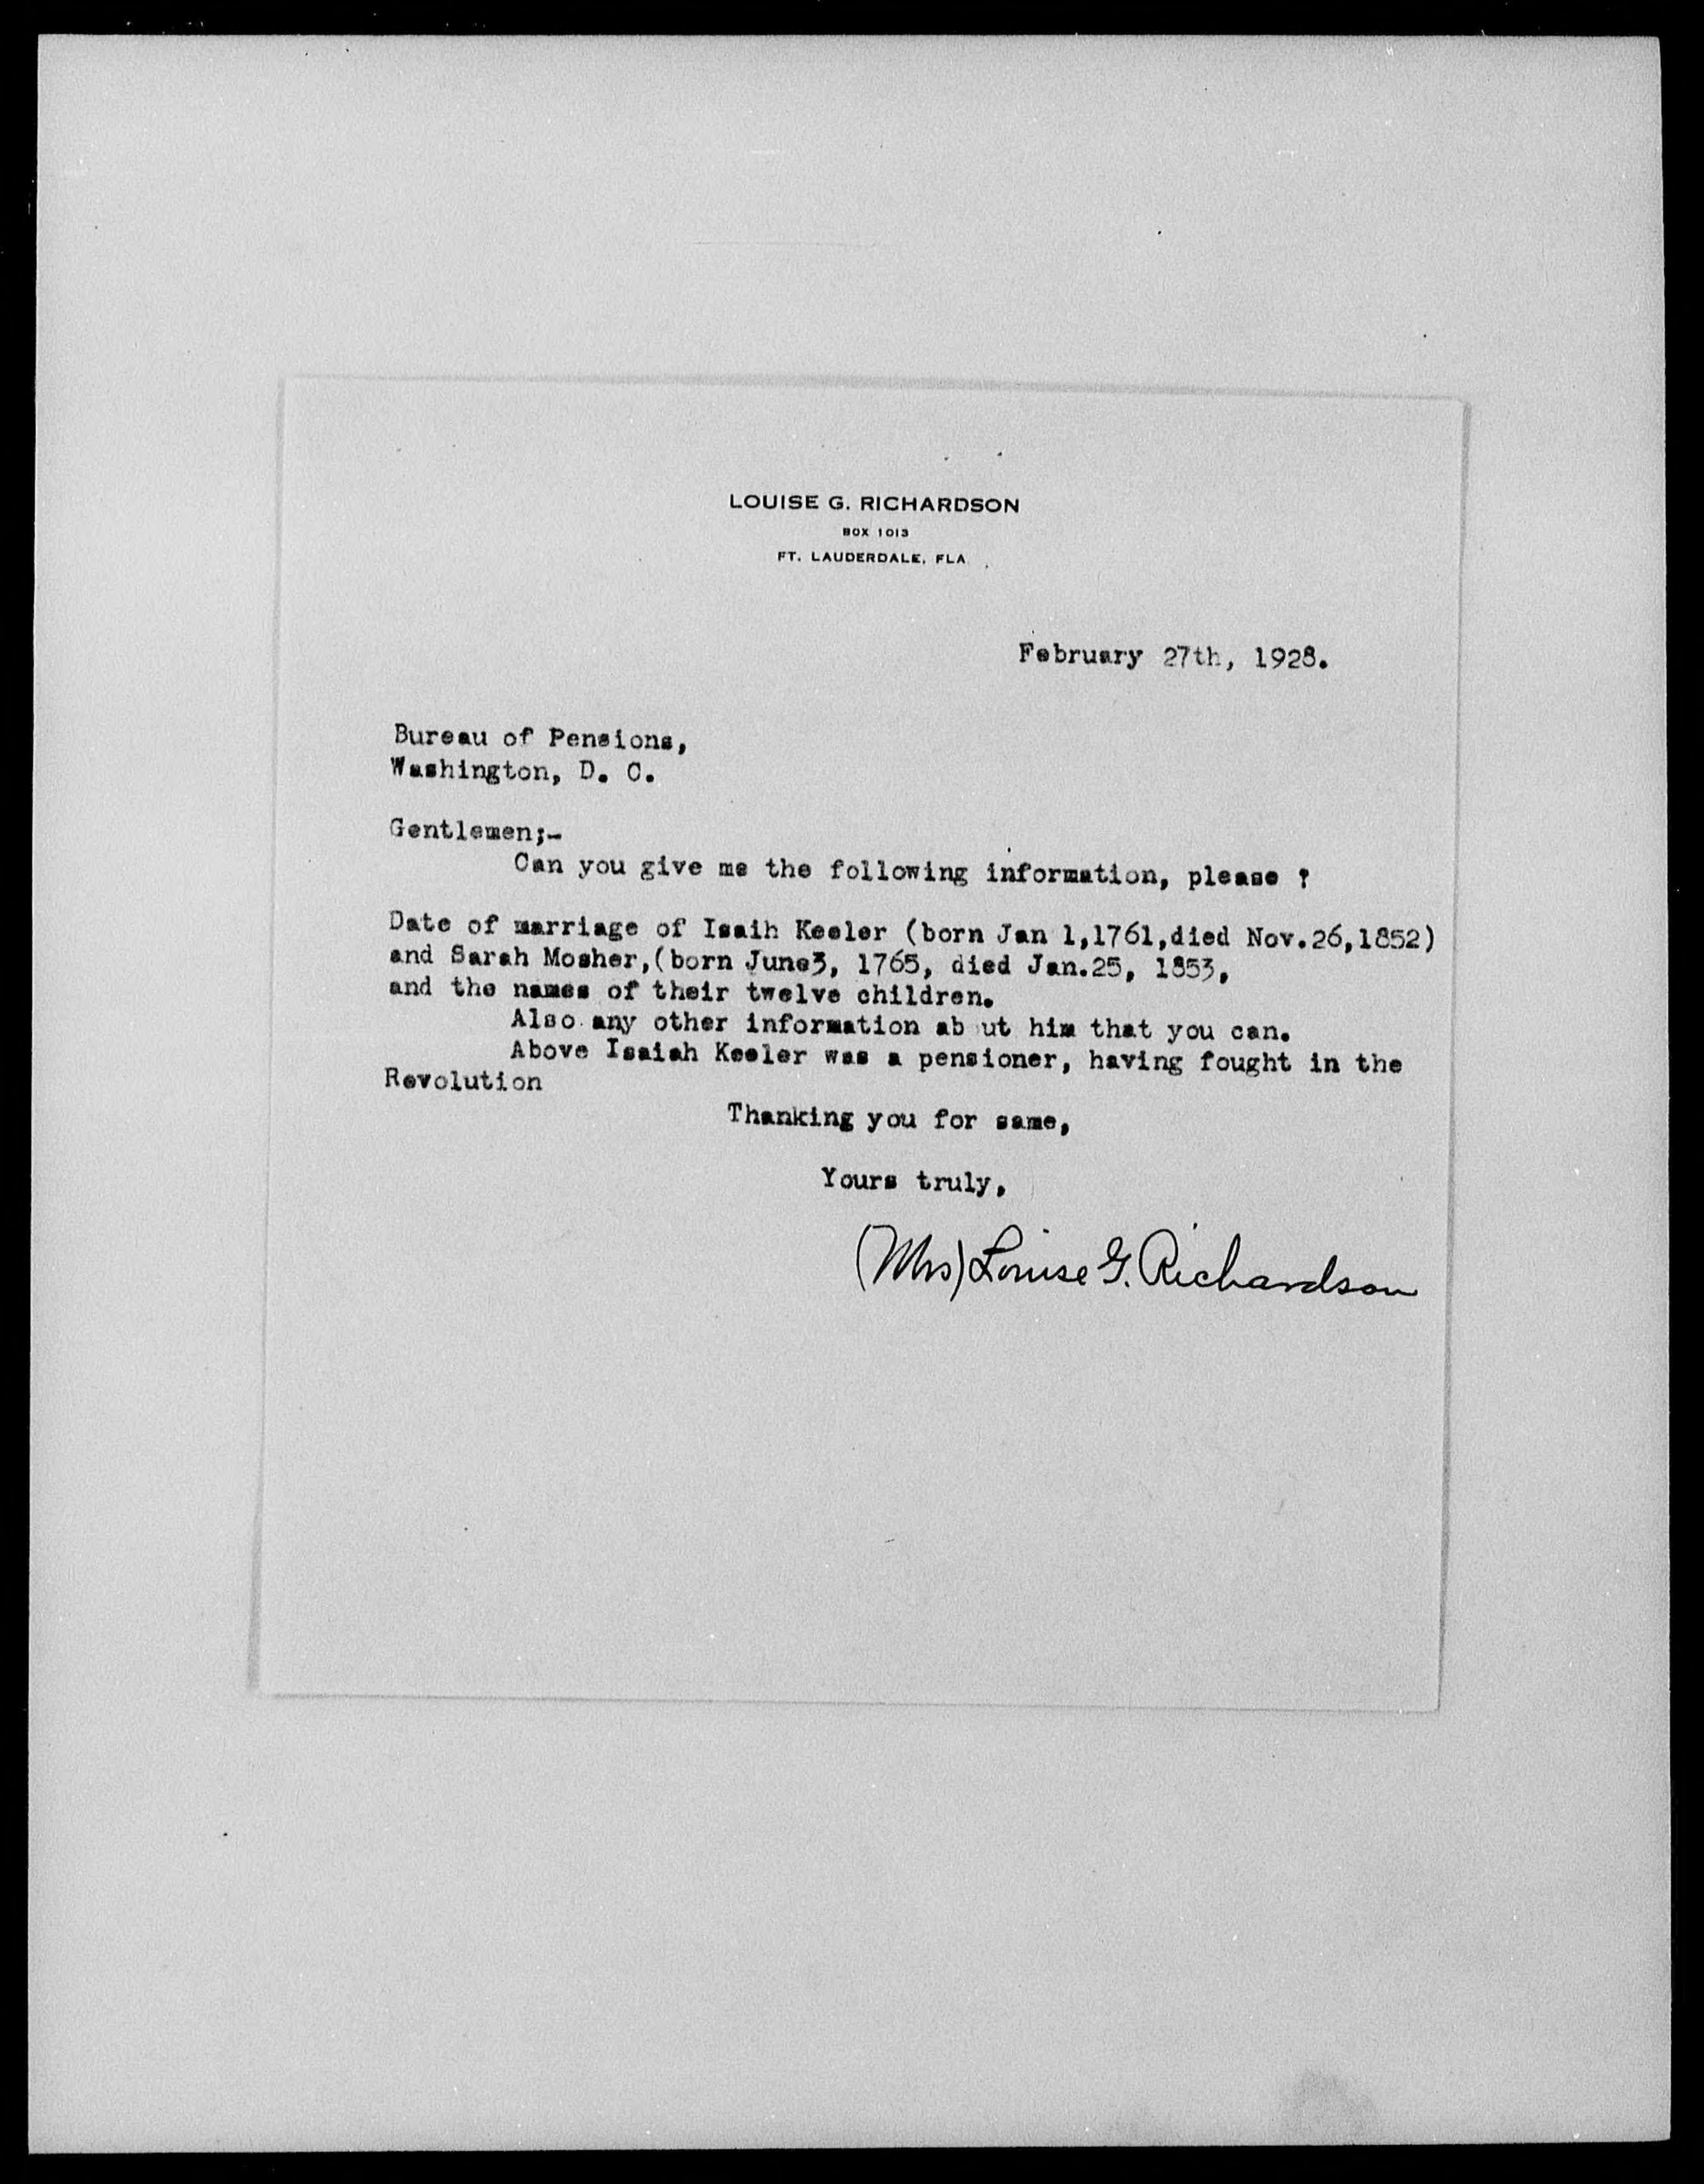LOUISE G. RICHARDSON
BOX 1013
FT. LAUDERDALE, FLA.
February 27th, 1928.
Bureau of Pensions,
Washington, D. C.
Gentlemen:
Can you give me the following information, please?
Date of marriage of Isaiah Keeler (born Jan. 1, 1761, died Nov. 26, 1852)
and Sarah Mosher, born June 3, 1765, died Jan. 25, 1853,
and the names of their twelve children.
Also any other information about him that you can.
Above Isaiah Keeler was a pensioner, having fought in the Revolution
Thanking you for same,
Yours truly,
Mrs Louise G. Richardson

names: Isaih Keeler; Louise G Richardson; Sarah Mosher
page: 19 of 26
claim: survivor's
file: S. 13,625, for Isaiah Keeler, New York